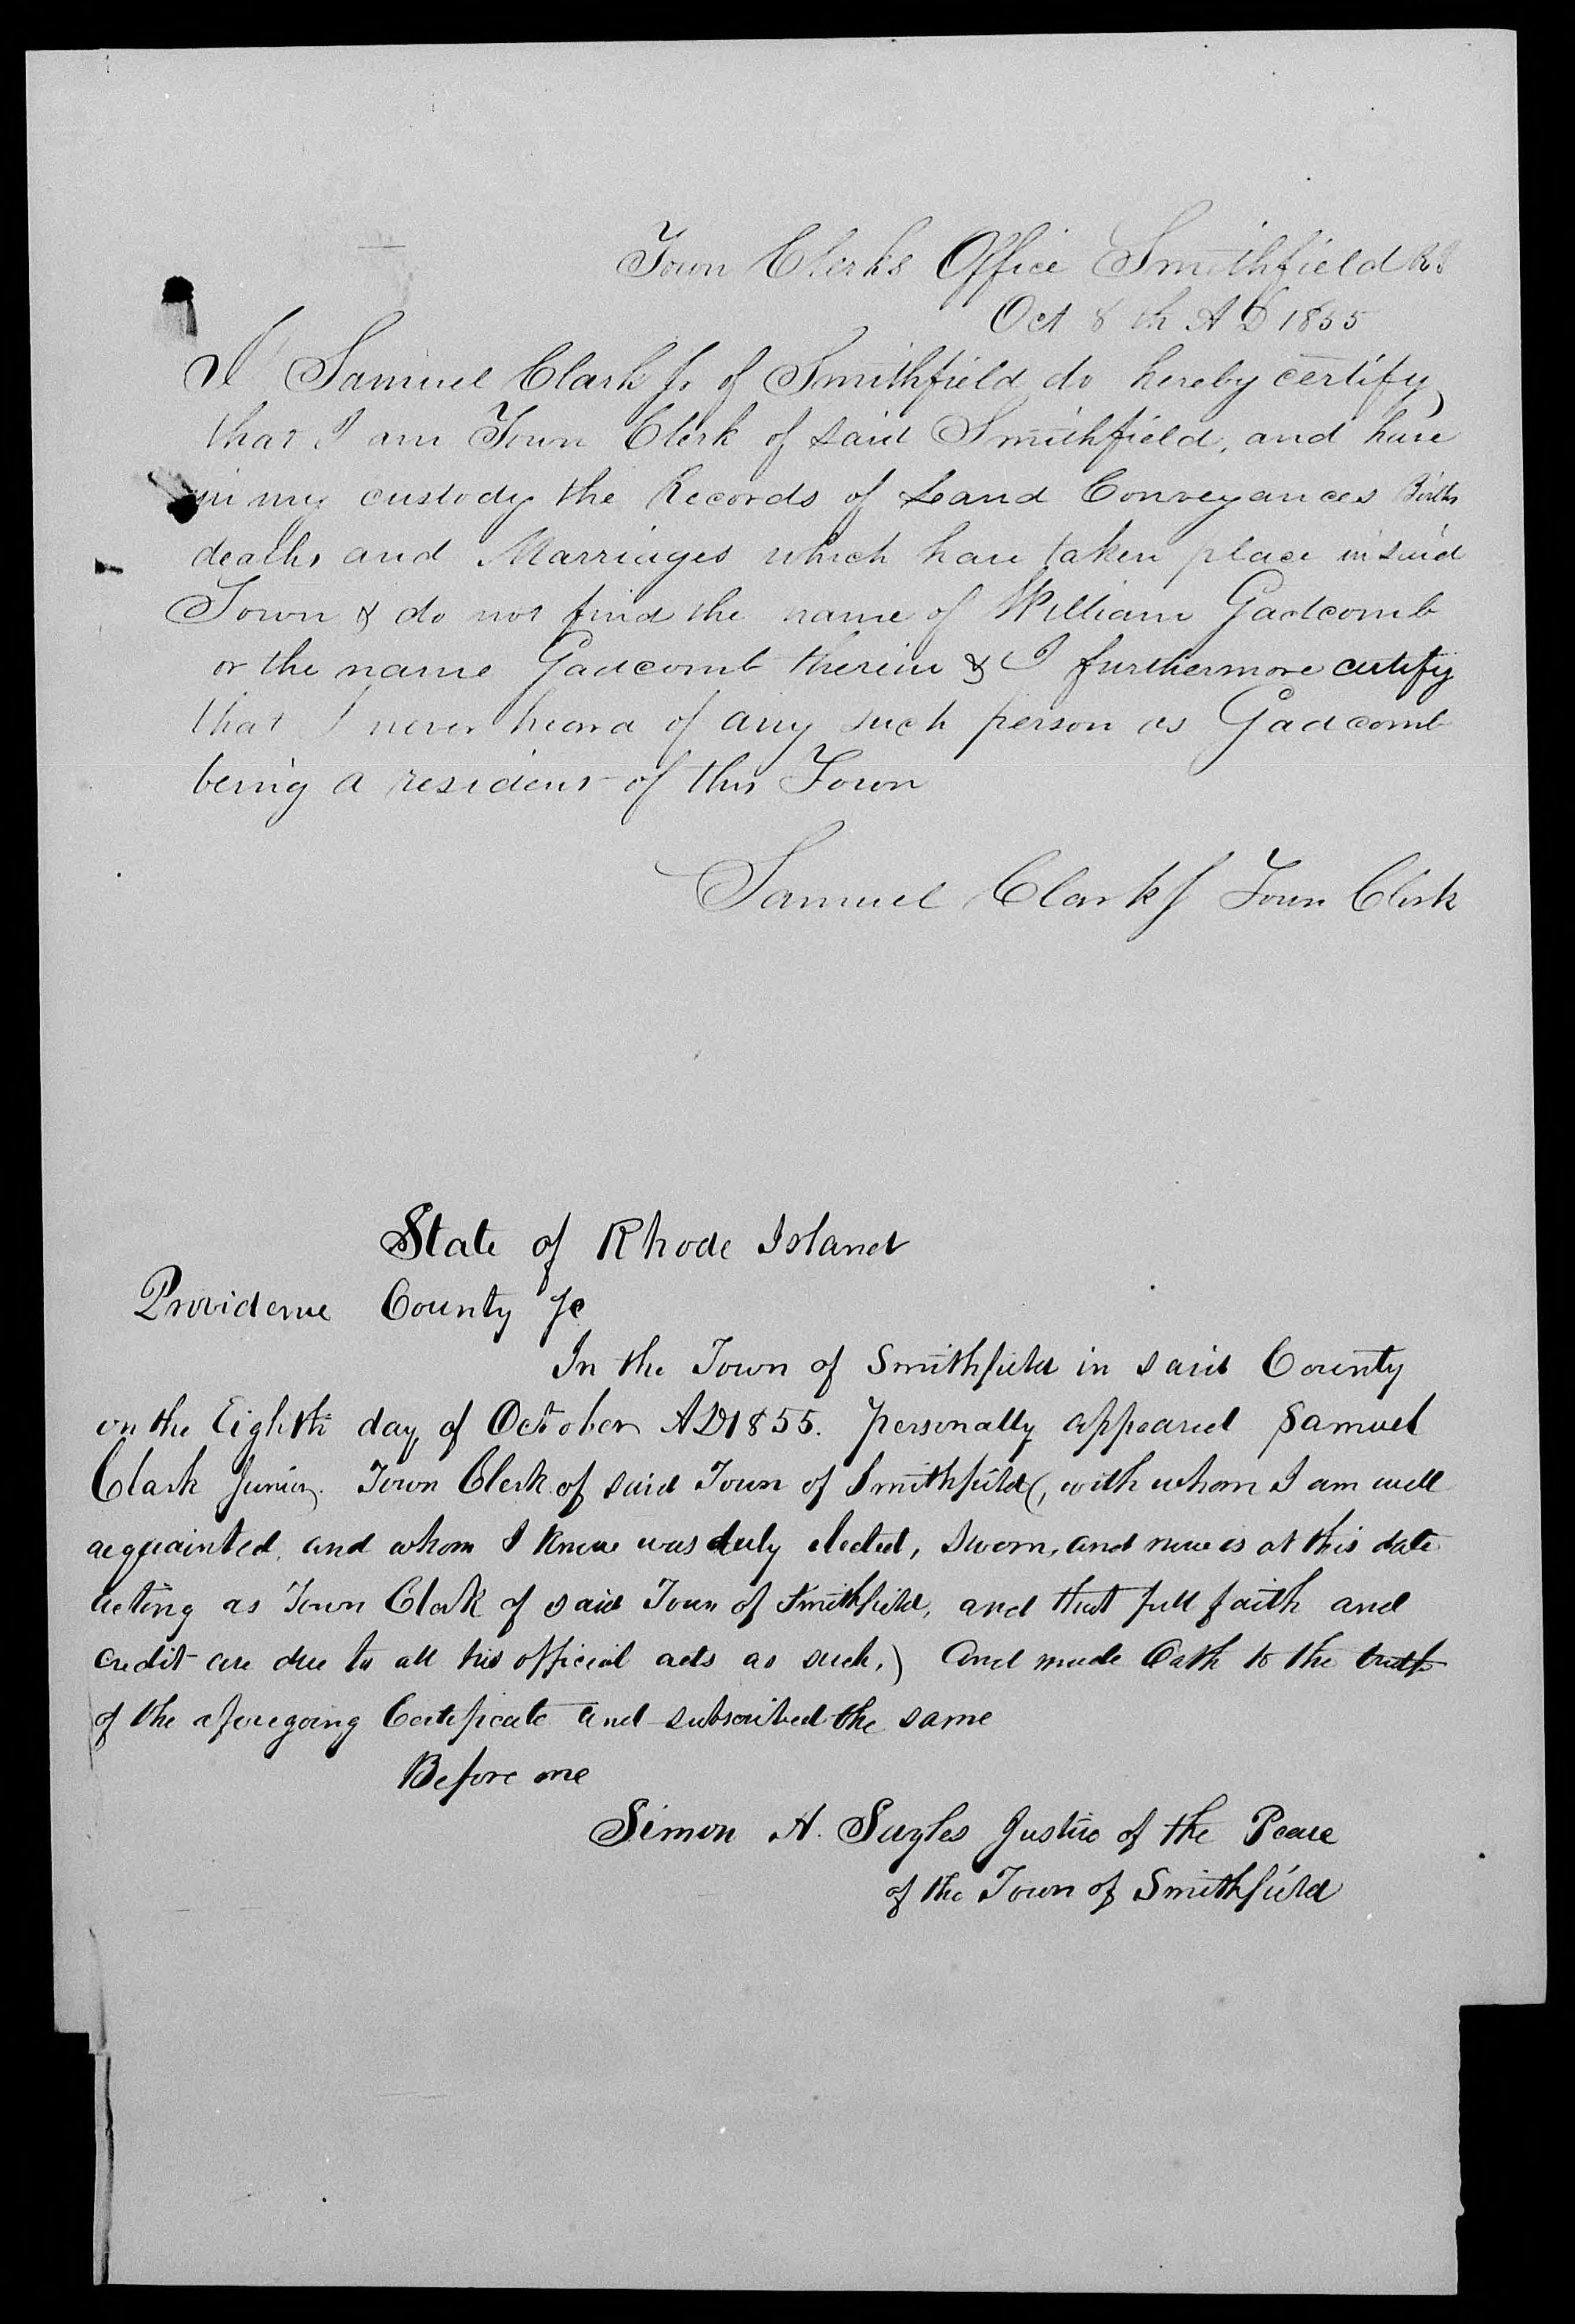Town Clerks Office Smithfield RI Oct. 8th A D 1855
I Samuel Clark Jr. of Smithfield do hereby certify that I am Town Clerk of said Smithfield, and have in my custody the Records of Land Conveyances Births deaths and Marriages which have taken place in said Town & do not find the name of William Gadcomb or the name Gadcomb therein & I furthermore certify that I never heard of any such person as Gadcomb being a resident of this Town. Samuel Clark Jr. Town Clerk
State of Rhode Island Providence County Sc. In the Town of Smithfield in said County on the Eighth day of October AD 1855 personally appeared Samuel Clark Junior Town Clerk of said Town of Smithfield, (with whom I am well acquainted and whom I know was duly elected, sworn, and now is at this date acting as Town Clerk of said Town of Smithfield, and that full faith and credit are due to all his official acts as such). And made oath to the truth of the aforegoing Certificate and subscribed the same Before me Simon A. Sayles Justice of the Peace of the Town of Smithfield.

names: Simon A Sayles, Gadcomb, Samuel Clark, William Gadcomb, Samuel Clark, Samuel Clark, Gadcomb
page: 45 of 76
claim: widow's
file: W. 15,517, William Gadcomb, R.I.